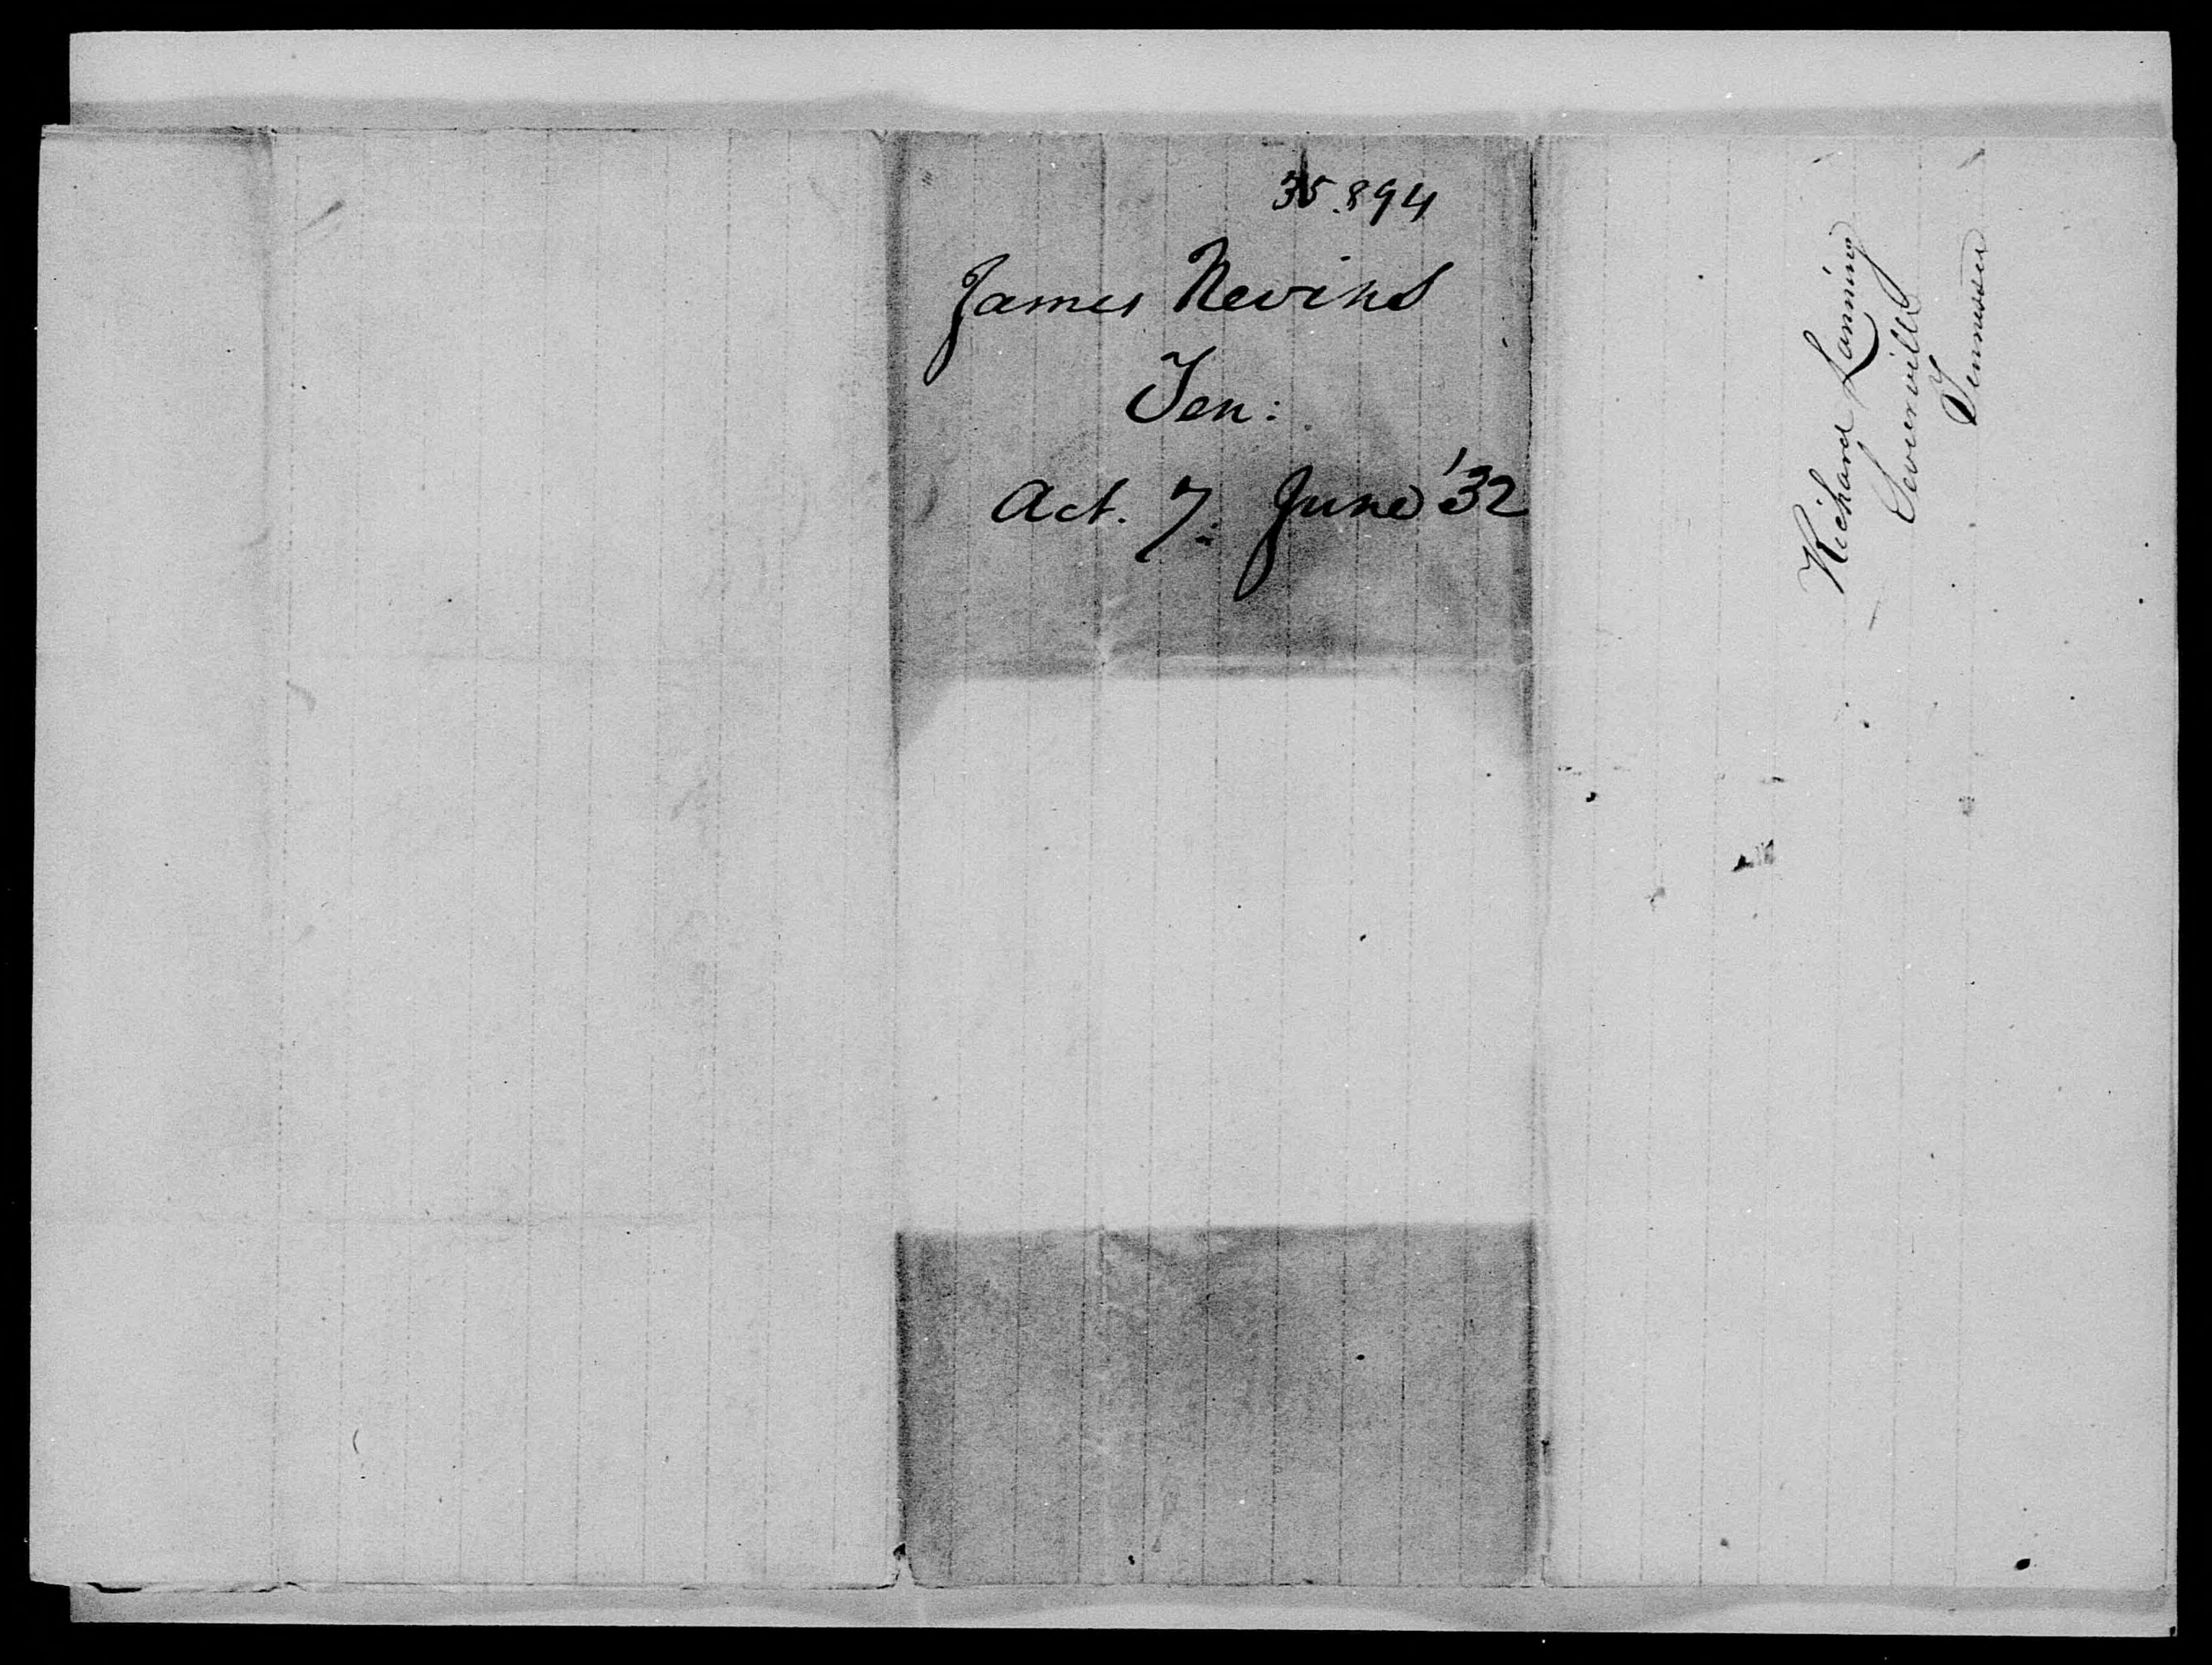35894
James Nevins
Ten:
Act. 7 June '32

Richard Lanning
Sevierville
Tennessee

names: James Nevins; Richard Lanning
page: 8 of 10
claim: rejected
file: R. 7,607, for James Levins, Georgia